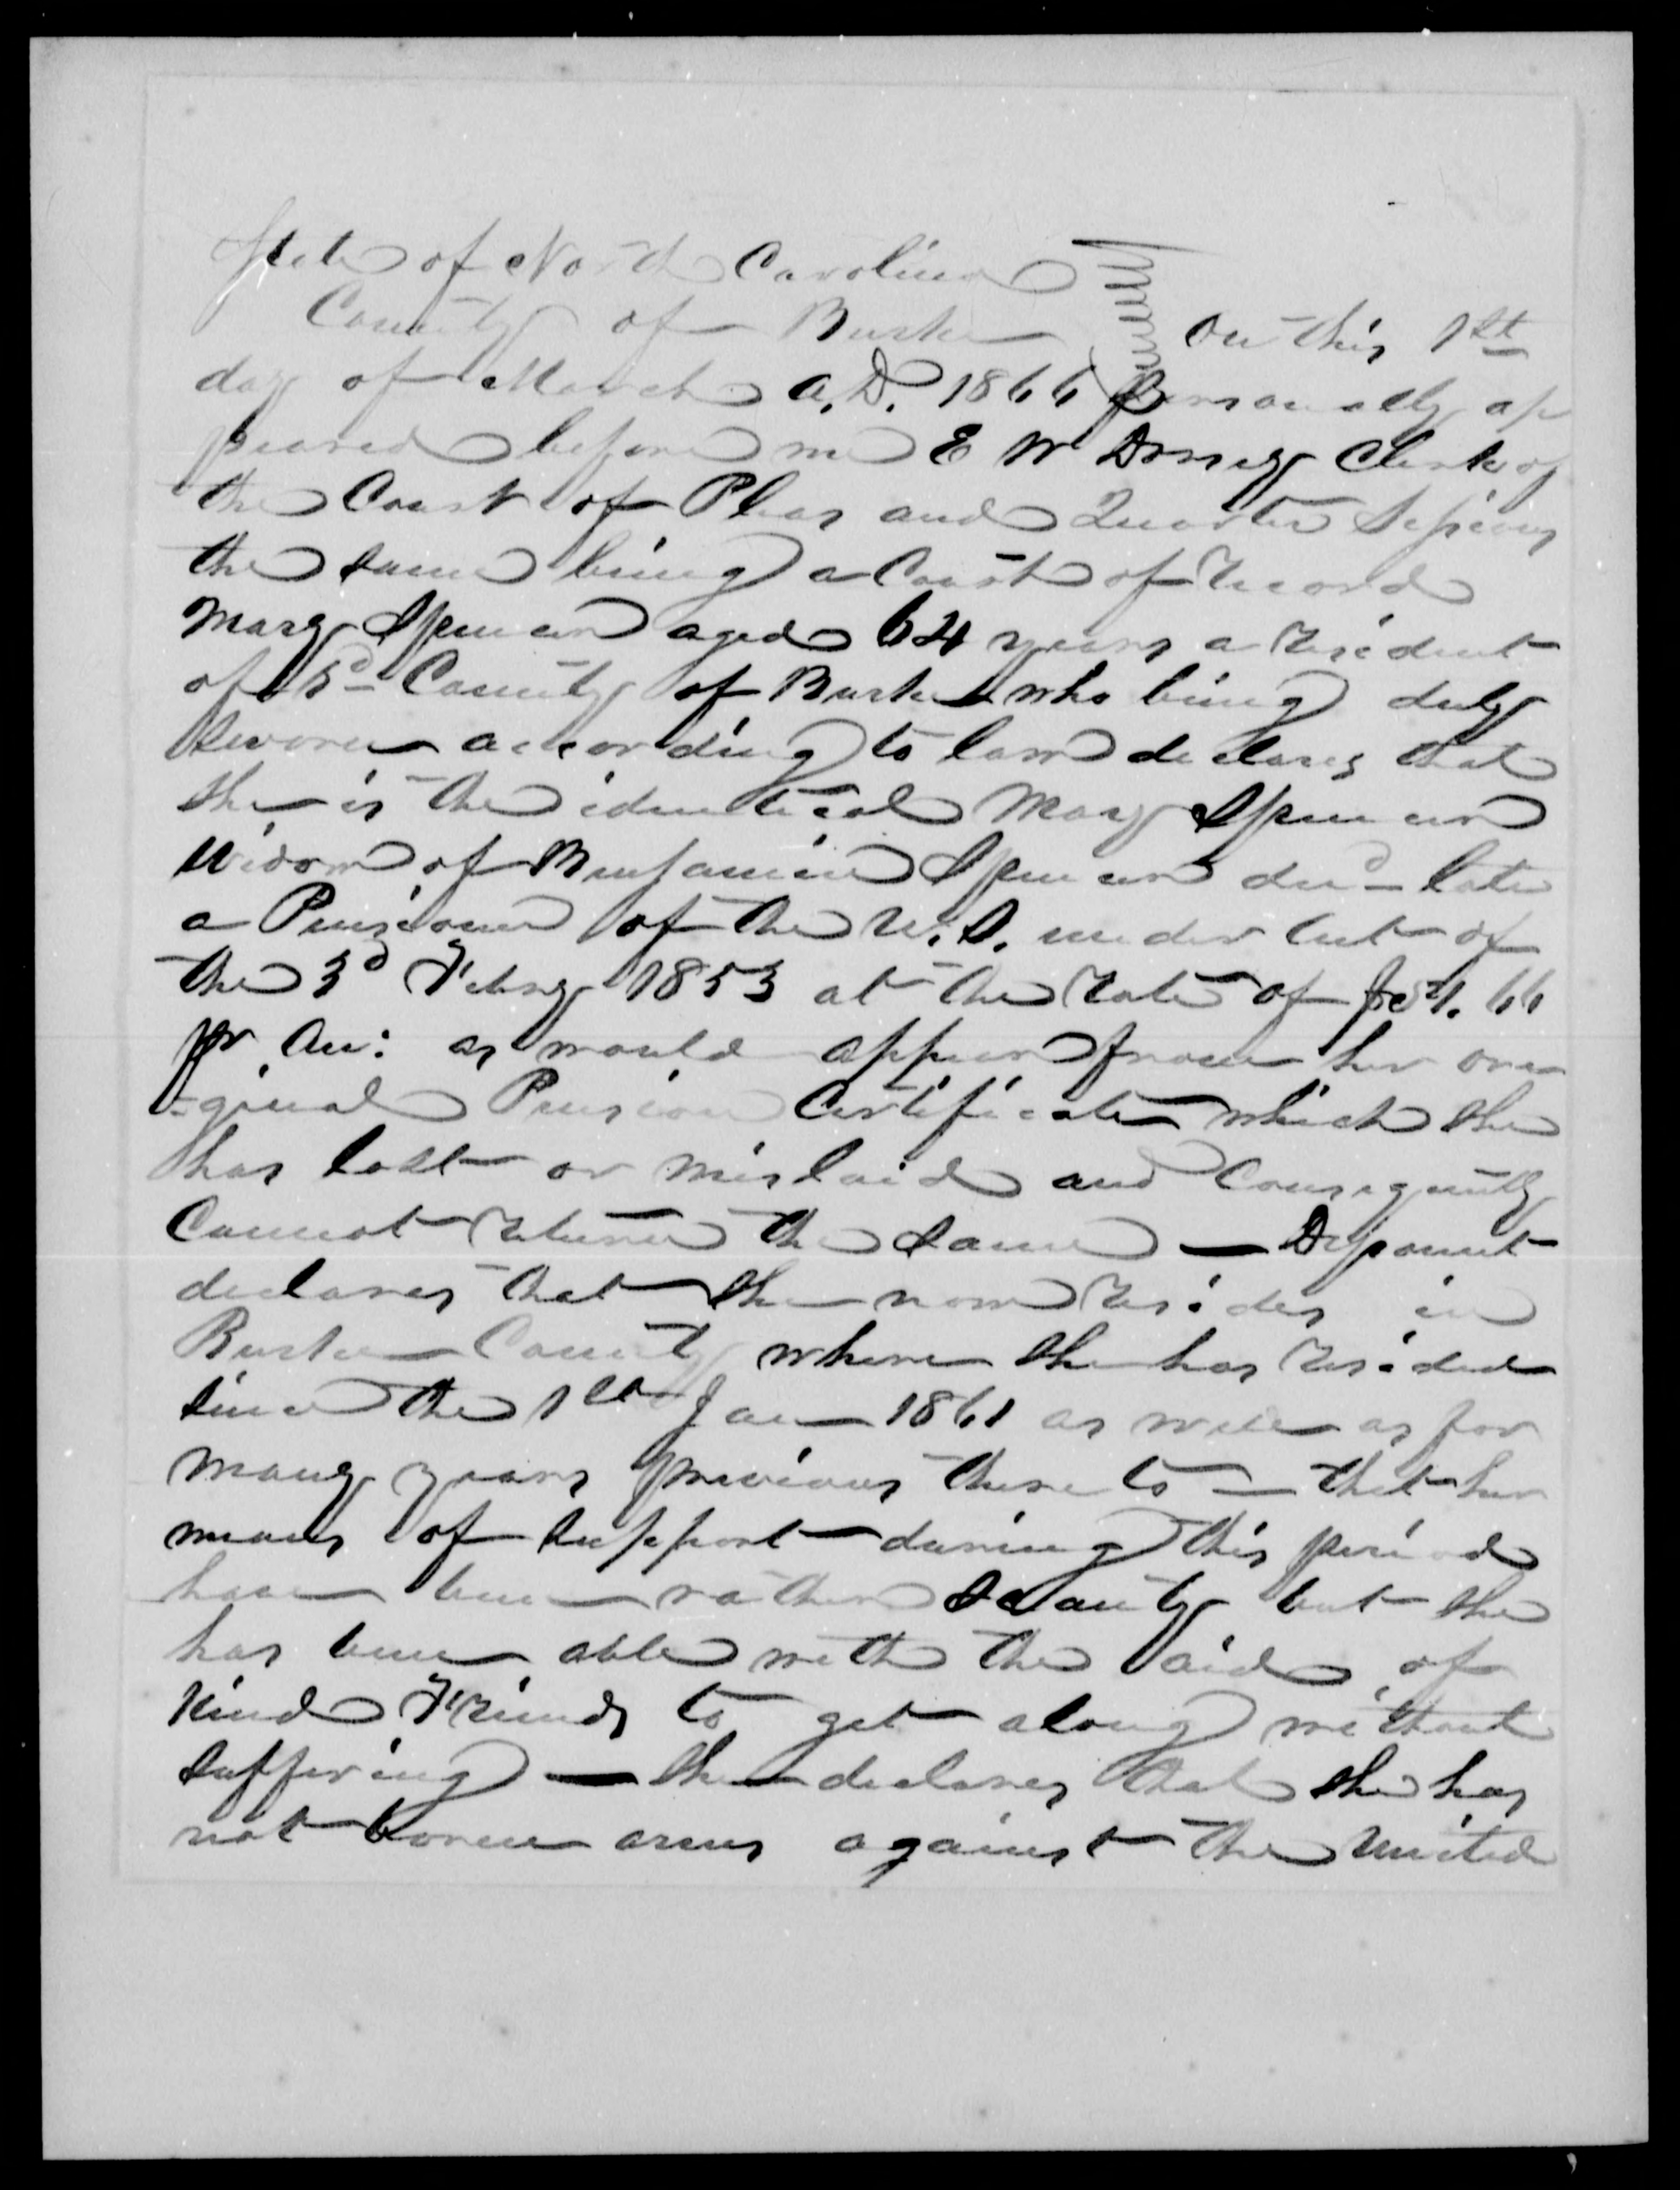State of North Carolina
County of Burke
On this 1st
day of March A.D. 1866 personally appeared before me E W Dorsey Clerk of
the Court of Pleas and Quarter Session
the same being a Court of Record
Mary Spencer aged 64 years a resident
of sd. County of Burke who being duly
sworn according to law declares that
she is the identical May Spencer
widow of Benjamin Spencer and late
a Pensioner of the U.S. under act of
the 3d Febry 1853 at the rate of $51.66
per an: as would appear from her original Pension Certificate which she
has lost or mislaid and consequently
Cannot [illegible] the same Deponent
declares that she now resides in
Burke County where she has resided
since the 1 Jan 1861 as well as for
many years previous there to that her
means of support during this period
have been rather scanty but she
has been able with the aid of
kind Friends to get along without
suffering she declares that she has
not [illegible] against the United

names: Benjamin Spencer; E W Dorsey; Mary Spencer; Mary Spencer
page: 50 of 63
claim: widow's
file: W. 6158, for Benjamin Spencer, North Carolina